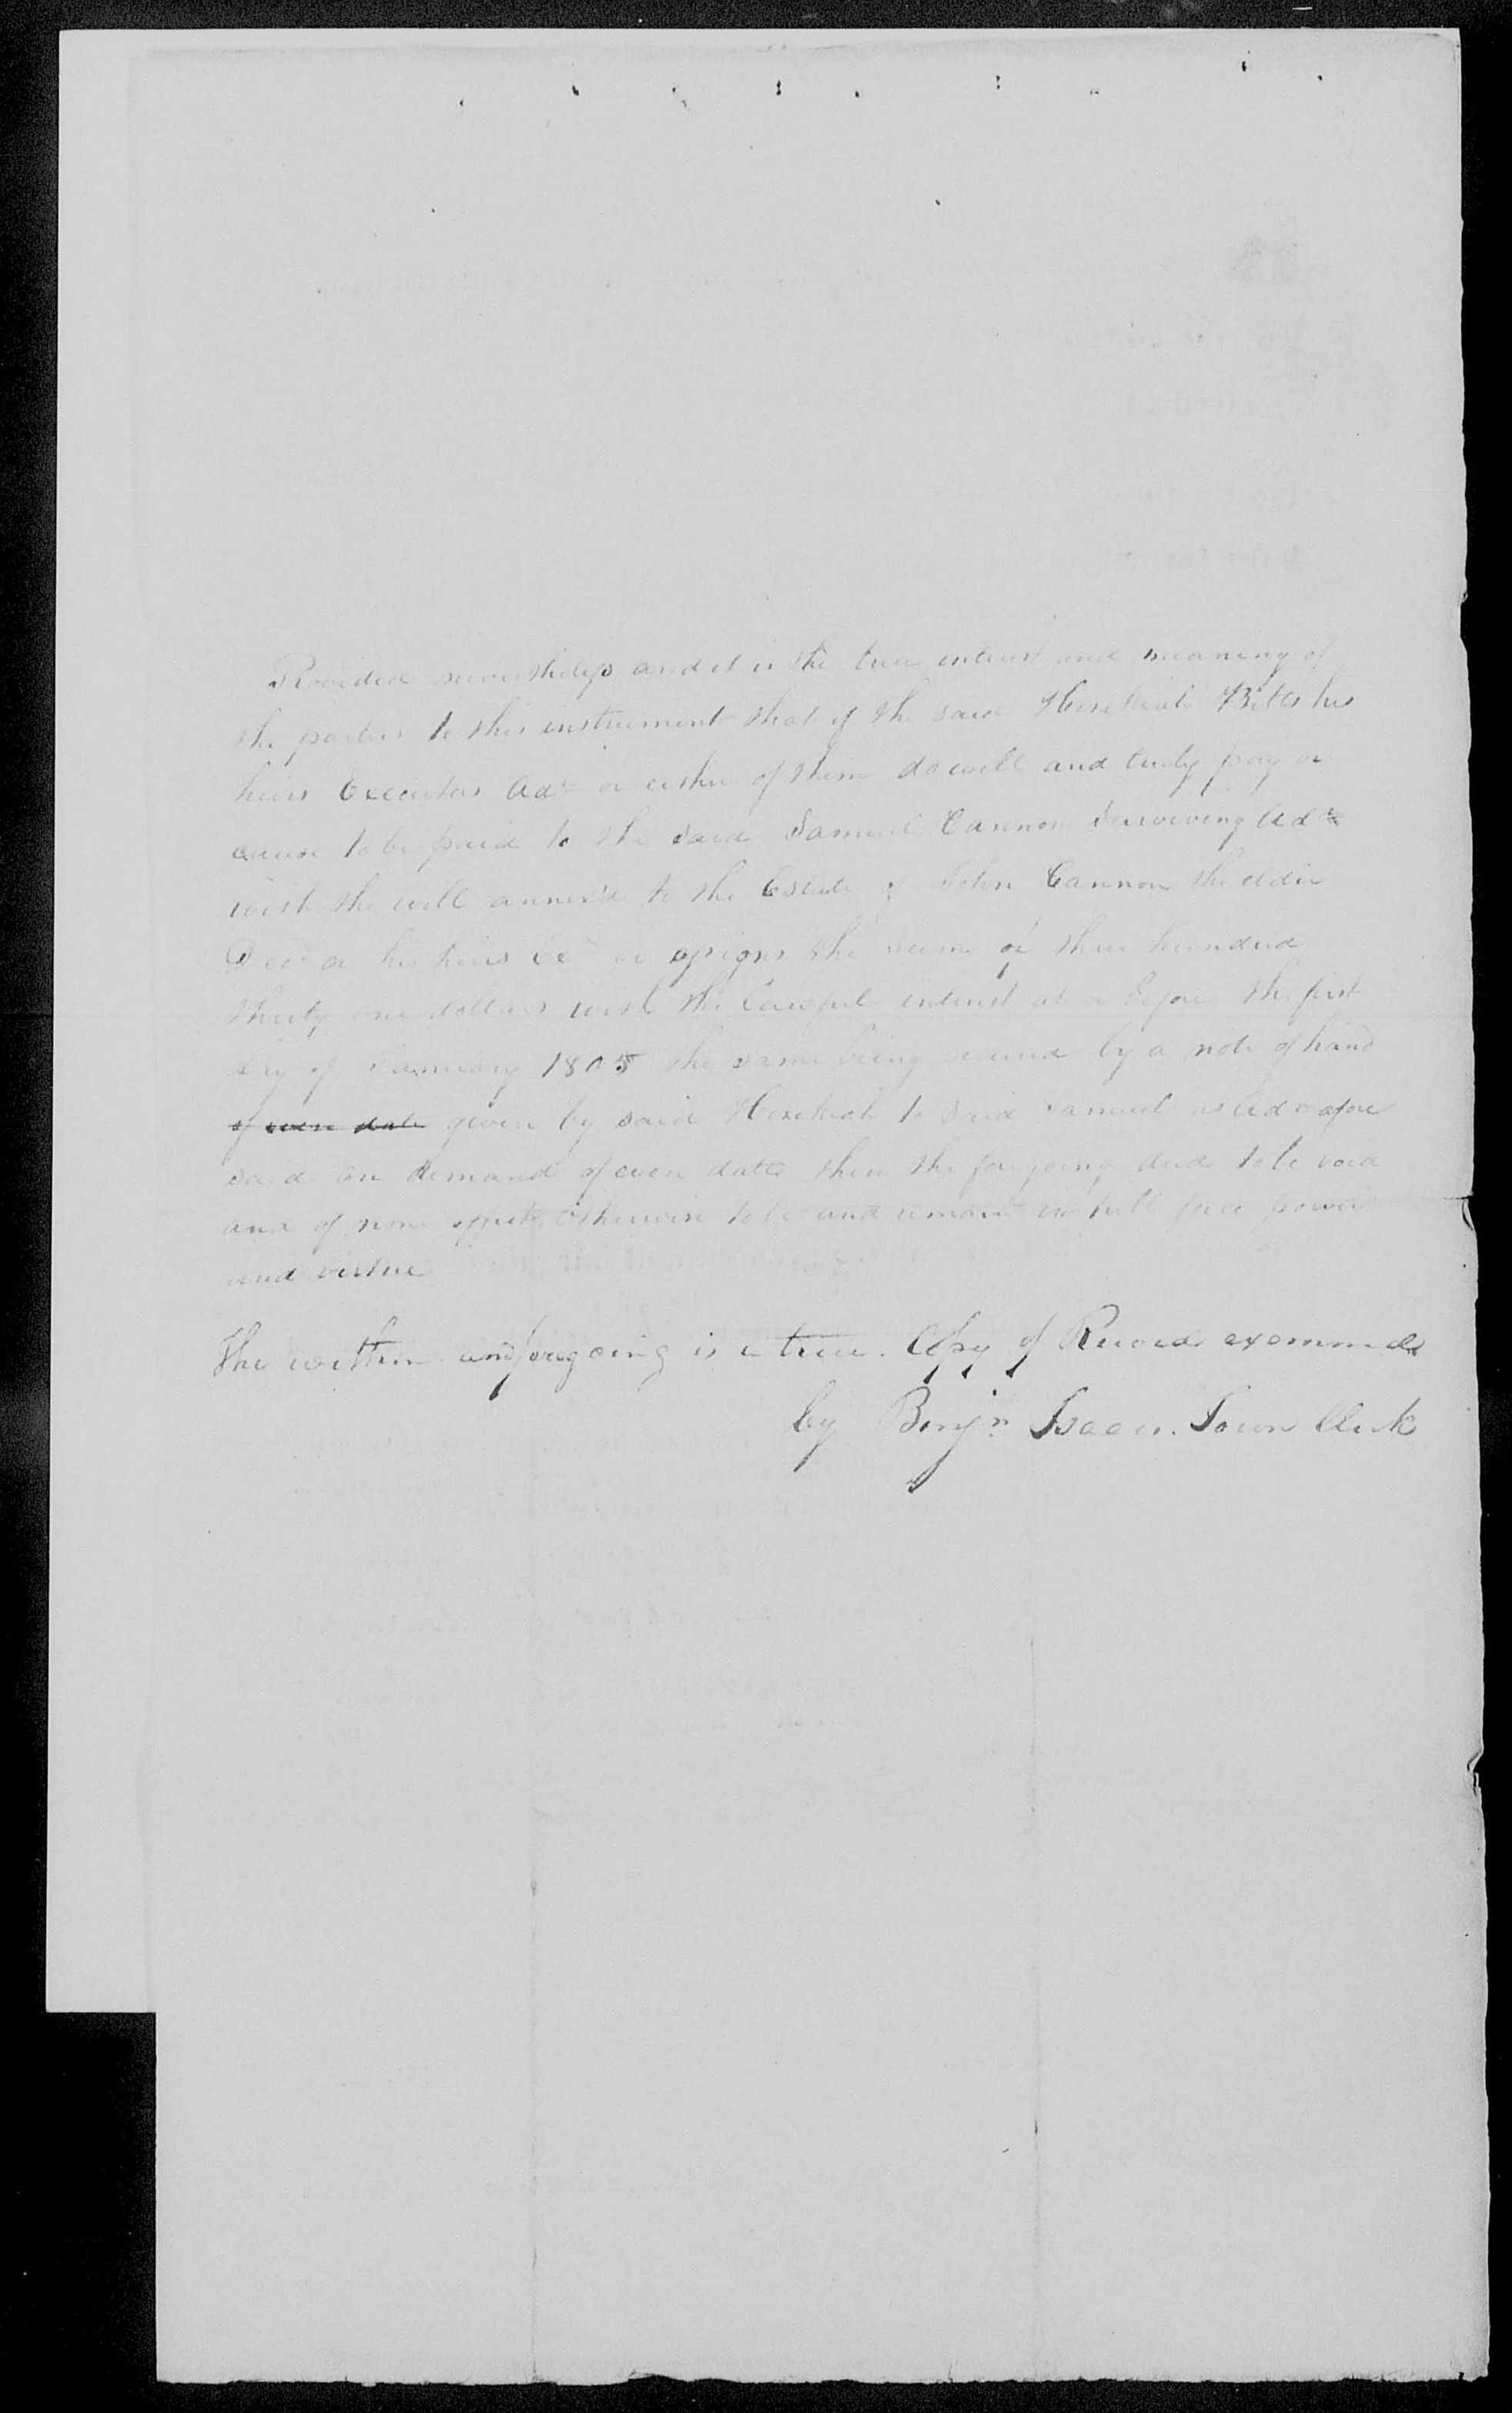Provided nevertheless and it is the true interest and meaning of the parties to this instrument that if the said Hezekiah Betts his heads Executors Adn or either of them do will and truly pay of cause to be paid to the said Samuel Cannon Surviving adn wish the will annex'd to the Estate of John Cannon the elder Dec'd or his heirs be or assigns the sum of three hundred and thirty one dollars wish the lawful interest at or before the first day of January 1805 the same being (secured?) by a note of hand given by said Hezekiah to said Samuel as Ad'n aforesaid on demand of even date then the foregoing deed to be void and of none affect. Otherwise to be and remain in full force power and virtue.

The within and foregoing is true. Copy of Record examined
by Benj'n Isaacs Town Clerk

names: Samuel, John Cannon, Hezekiah, Benjn Isaacs, Hezekiah Betts, Samuel Cannon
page: 34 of 61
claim: widow's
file: W. 29,929, Hezekiah Betts, Conn.